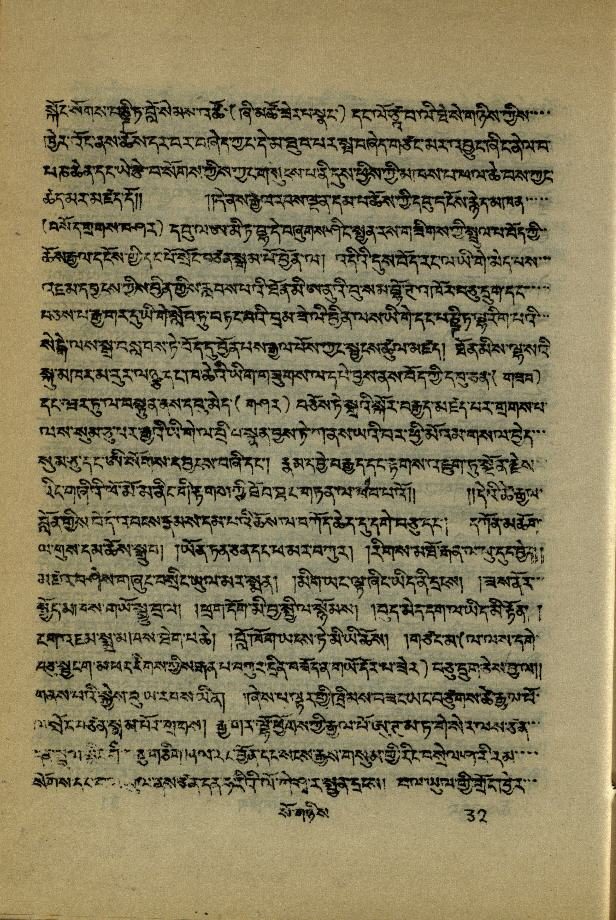སྐོང་སོགས་པཎྚི་ཏ་བློ་སེམས་འཚོ་ཞི་མཚོ་ཟེར་པ་སྣང་དང་ལོ་ཙཱ་བ་ལི་ཐེ་སེ་གཉིས་ཀྱིས་
ཁྱེར་འོང་ནས་ཆོས་དར་བར་བཞེད་ཀྱང་དེ་མ་ཐུབ་པར་སྦ་བཞེད་གཙང་མར་འབྱུང་ཞིང་ནེ་ལ་བ་
པཎ་ཆེན་དང་ཡེ་རྩེ་བ་སོགས་ཀྱིས་ཀྱང་གསུངས་པ་ནི་དུས་ཕྱིས་ཀྱི་མཁས་པ་ཕལ་ཆེ་བས་ཀྱང་
ཚད་མར་མཛད་དོ།། །།དེ་ནས་རྒྱལ་རབས་ལྡན་དམ་པ་ཆོས་ཀྱི་དབུ་དངོས་རྙེད་མཁན་
བསོད་གྲགས་བཤར་དབུ་ལ་ཨ་མི་ཏ་བྷ་དེ་བཞུགས་ཤིང་སྤྱན་རས་གཟིགས་ཀྱི་སྤྲུལ་པ་བོད་ཀྱི་
ཆོས་རྒྱལ་དངོས་ཀྱི་དང་པོ་སྲོང་བཙན་སྒམ་པོ་བྱོན་ལ། འདིའི་དུས་བོད་རང་ལ་ཡི་གེ་མེད་པས་
འཇམ་དབྱངས་ཀྱིས་བྱིན་གྱིས་རླབས་པའི་ཐོན་མི་ཨ་ནུའི་བུ་སམ་བྷོ་ཊ་འཁོར་བཅུ་དྲུག་དང་
བཅས་པ་རྒྱ་གར་དུ་ཡི་གེ་སློབ་ཏུ་བཏང་བའི་བྲམ་ཟེ་ལི་བྱིན་ལས་ཡི་གེ་དང་པཎྚི་ཏ་ལྷ་རིག་པའི་
སེངྒེ་ལས་སྒྲ་བསླབ་ཏེ་བོད་དུ་བྱོན་པས་རྒྱལ་པོས་ཀྱང་སྦྱངས་ཚུལ་མཛད། ཐོན་མིས་ལྷ་སའི་
སྐུ་མཁར་མ་རུང་ལཉྩ་དང་ཁ་ཆེའི་ཡིག་གཟུགས་ལ་དཔེ་བྱས་ནས་བོད་ཀྱི་དབུ་ཅན་གཟབ
དང་ཝར་ཏུ་ལ་བསྟུན་ནས་དབུ་མེད་གཤར་བཅོས་ཏེ་སྒྲའི་སྐོར་བརྒྱད་མཛད་པར་གྲགས་པ་
ལས་སུམ་ཅུ་པར་རྒྱའི་ཡི་གེ་ལ་བྲི་པ་སྣམ་བྱས་ཏེ་གནས་ཡའི་བར་ཕྱི་མའམ་གསལ་བྱེད་
སུམ་ཅུ་དང་ཨི་སོགས་དབྱངས་བཞི་དང་། རྣམ་དབྱེ་བརྒྱད་དང་རྟགས་འཇུག་ཏུ་སྔོན་རྗེས་
འདི་གཞིའི་ཕོ་མོ་མ་ནི་གི་རྟ་གག་ཀྱི་ཐོབ་ཐར་གཏན་ལ་ཕབ་པའོ།། །།དེའི་ཚེ་རྒྱལ་
བློན་གྱིས་བོད་འབངས་རྣམས་དམ་པའི་ཆོས་ལ་བཀོད་ཆེད་དུ་དགེ་བཅུ་དང་། དཀོན་མཆོག་
ལ་གུས་དམ་ཆོས་སྒྲུབ། །ཡོན་ཏན་ཅན་དང་ཕ་མར་བཀུར། །རིགས་མཐོ་རྒན་ལ་ལུ་དྲུང་བྱེད།
མཛའ་བཤེས་གཞུང་བསྲིང་ཡུལ་མར་སྨན། །མིག་ཡང་ལྟ་ཞིང་ཡིད་ནི་དྲངས། །ཟས་ནོར་
སྤྱོད་མཁས་གཡོ་སྒྱུ་བྲལ། །ཕྲག་དོག་མི་བྱ་སྤྱི་ལ་སྙོམས། །བད་མེད་དག་ལ་ཡིད་མི་རྟོན།།
ངག་འཇམ་སྨྲ་མཁས་ཐེག་པ་ཆེ། །བློ་ཁོག་ཡངས་ཏེ་མི་ཡི་ཆོས། །གཙང་མ་ལ་ལས་དགེ་
བཅུ་སྦྱང་ག་མ་ཕར་རིགས་ཀྱིས་རྒན་པ་བཀུར་དྲིན་བཟོད་ན་གཡོ་དོར་པ་ཟེར་བཅུ་དྲུག་ཅེས་བྱ་ལ།།
གནས་པའི་སྐྱེས་བུ་ལ་རབས་ཡིན། །ཞེས་པ་ལྟར་གྱི་ཁྲིམས་བཟང་ཡང་བཙུགས་ཚེ་རྒྱལ་པོ་
ལ་སྲོང་བཙན་སྒམ་པོར་གྲགས། རྒྱ་གར་ལྷོ་ཕྱོགས་ཀྱི་རྒྱལ་པོ་ཨུཊ་མ་ཏ་གེ་སེར་ལས་ཙན་
དན་སྦྲུལ་སྙིང་གི་ནུ?་གཅིག་ཞ་དང་བྱོན་དང་སངས་རྒྱས་གསུམ་གྱི་རིང་བྲེལ་ཤ་རི་རམ་
སོགས་དང་བལ?་ཡུལ་ནས་ནས་ཚན་དན་ཧ་རིའི་ལོ་ཀེ་ཤྭ་ར་སྤྱན་དྲངས། བལ་ཡུལ་གྱི་གྲོང་ཁྱེར་